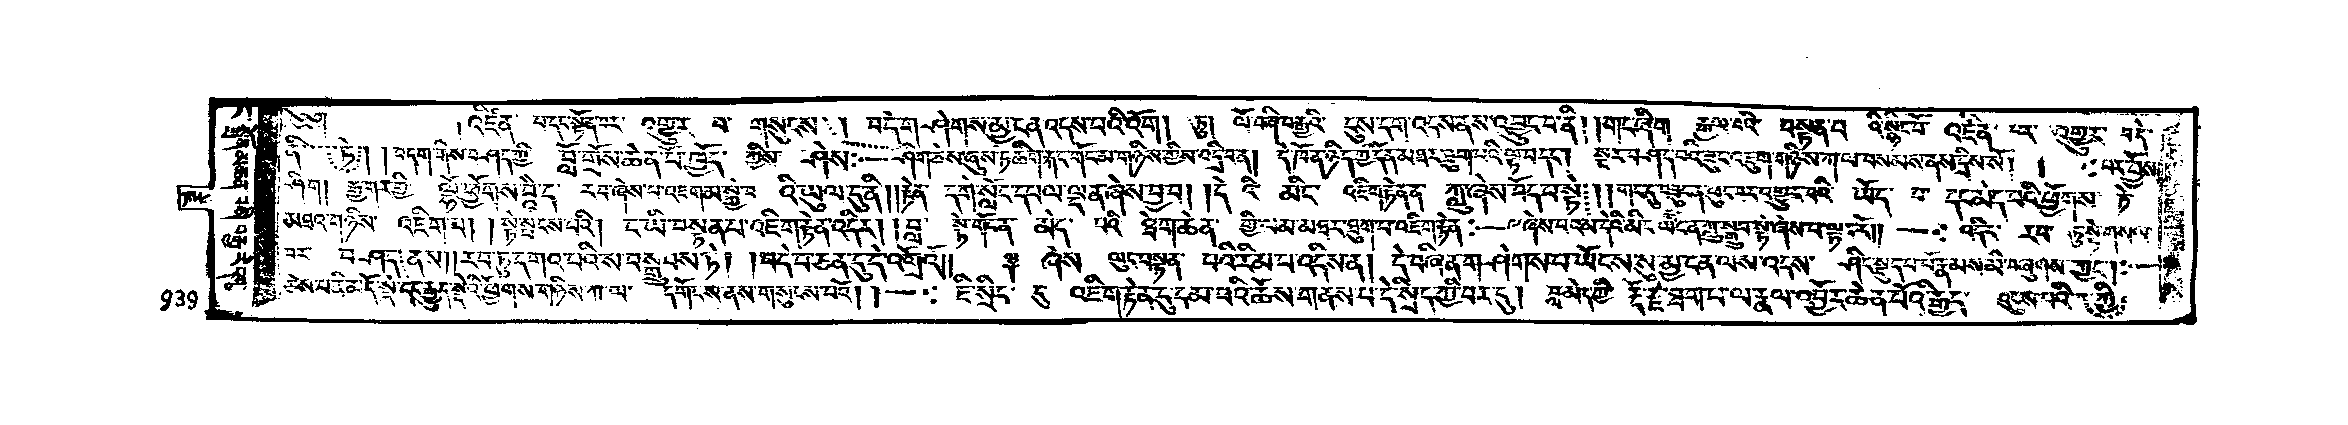༄༅། །འཛིན་པ་དང་སྟོན་པར་འགྱུར་བ་གསུངས། བདེ་གཤེགས་མྱ་ངན་འདས་པའི་འོག ། ཏུ། ལོ་བཞི་བརྒྱའི་དུས་དག་འདས་ནས་འབྱུང་བ་ནི། །གང་ཞིག་རྒྱལ་བའི་བསྟན་པའི་སྙིང་པོ་འཛིན་པར་འགྱུར་བ་དེ་
ནི་ཏེ། ། བདག་གིས་བཤད་ཀྱི་བློ་གྲོས་ཆེན་པོ་ཁྱོད་ཀྱིས་ཤེས་H.་ཤེས་ཅེས་ཞུས་ཏེ་ཚིག་རྐང་གོང་མ་གཉིས་ཀྱིས་འདྲི་བ་ན། དེ་ཁོ་ན་ཉིད་ཀྱི་དོན་མཐར་ཐུག་པའི་ལྟ་བ་དང་། སྔར་བཤད་པའི་ཟུང་འཇུག་གཉིས་ཀ་ལ་བསམས་ནས་དྲིས་སོ། ། .Hཔར་བྱོས།
ཤིག །རྒྱ་གར་གྱི་ལྷོ་ཕྱོགས་བEཨེ་ད་རབ་ཞེས་པ་འཇུག་མ་སྐྱེ་བའི་ཡུལ་དུ་ནི། ། རྟེན་དགེ་སློང་དཔལ་ལྡན་ཞེས་བྱ་བ། དེའི་མིང་འཇིག་རྟེན་ན་ཀླུ་ཞེས་བོད་པ་སྟེ། ། གང་དུ་བཟུང་ན་ཕུང་བར་འགྱུར་བའི་ཡོད་པ་དང་མེད་པའི་ཕྱོགས་ཏེ་
མཐའ་གཉིས་འཇིག་པ། ། སྟེ་སྤངས་པའི། ང་ཡི་བསྟན་པ་འཇིག་རྟེན་འདིར། །བླ་སྟེ་གོང་ན་མེད་པའི་ཐེག་ཆེན་གྱི་ལམ་མཐར་ཐུག་པ་འཇིག་རྟེན་༧ཞེས་པའམ་དེའི་མིང་ཡང་ན་ཀླུ་སྒྲུབ་སྟེ་ཞེས་པ་ལྟར་རོ།། .H འདིར་རབ་ཏུ་སྟེ་གསལ་
བར་བཤད་ནས། །རབ་ཏུ་དགའ་བའི་ས་བསྒྲུབས་ཏེ། །བདེ་བ་ཅན་དུ་དེ་འགྲོའོ།། ༈ ཞེས་ལུང་བསྟན་པའི་རིམ་པ་འདིས་ན། དེ་བཞིན་གཤེགས་པ་ཡོངས་སུ་མྱ་ངན་ལས་འདས་ཤིང་སྡུད་པ་པོ་རྣམས་མི་བཞུགས་ཀྱང་།H.
ཅེས་པ་ནི་མདོ་སྡེ་དང་རྒྱུད་སྡེའི་ཕྱོགས་གཉིས་ཀ་ལ་དགོངས་ནས་གསུངས་པའོ། ། .H ཇི་སྲིད་དུ་འཇིག་རྟེན་དུ་དམ་པའི་ཆོས་གནས་པ་དེ་སྲིད་ཀྱི་བར་དུ། བླ་མེད་ཀྱི་རྡོ་རྗེ་ཐེག་པ་ལ་རྣལ་འབྱོར་ཆེན་པོའི་རྒྱུད་འདུས་པའི་ཀྱི་